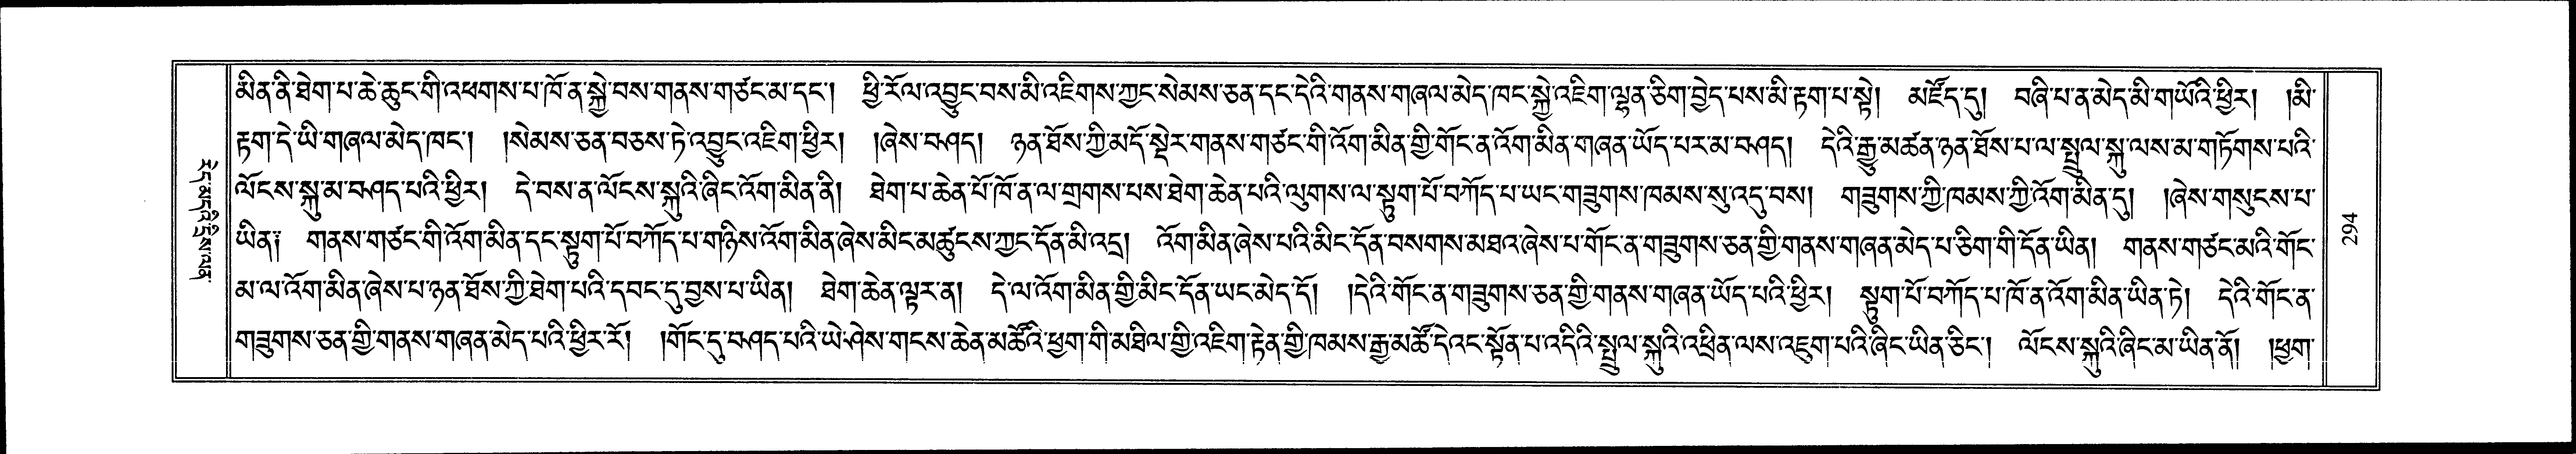མིན་ནི་ཐེག་པ་ཆེ་ཆུང་གི་འཕགས་པ་ཁོ་ན་སྐྱེ་བས་གནས་གཙང་མ་དང་། ཕྱི་རོལ་འབྱུང་བས་མི་འཇིགས་ཀྱང་སེམས་ཅན་དང་དེའི་གནས་གཞལ་མེད་ཁང་སྐྱེ་འཇིག་ལྷན་ཅིག་བྱེད་པས་མི་རྟག་པ་སྟེ། མཛོད་དུ། བཞི་པ་ན་མེད་མི་གཡོའི་ཕྱིར། །མི་
རྟག་དེ་ཡི་གཞལ་མེད་ཁང་། །སེམས་ཅན་བཅས་ཏེ་འབྱུང་འཇིག་ཕྱིར། །ཞེས་བཤད། ཉན་ཐོས་ཀྱི་མདོ་སྡེར་གནས་གཙང་གི་འོག་མིན་གྱི་གོང་ན་འོག་མིན་གཞན་ཡོད་པར་མ་བཤད། དེའི་རྒྱུ་མཚན་ཉན་ཐོས་པ་ལ་སྤྲུལ་སྐུ་ལས་མ་གཏོགས་པའི་
ལོངས་སྐུ་མ་བཤད་པའི་ཕྱིར། དེ་བས་ན་ལོངས་སྐུའི་ཞིང་འོག་མིན་ནི། ཐེག་པ་ཆེན་པོ་ཁོ་ན་ལ་གྲགས་པས་ཐེག་ཆེན་པའི་ལུགས་ལ་སྟུག་པོ་བཀོད་པ་ཡང་གཟུགས་ཁམས་སུ་འདུ་བས། གཟུགས་ཀྱི་ཁམས་ཀྱི་འོག་མིན་དུ། །ཞེས་གསུངས་པ་
ཡིན། གནས་གཙང་གི་འོག་མིན་དང་སྟུག་པོ་བཀོད་པ་གཉིས་འོག་མིན་ཞེས་མིང་མཚུངས་ཀྱང་དོན་མི་འདྲ། འོག་མིན་ཞེས་པའི་མིང་དོན་བསགས་མཐའ་ཞེས་པ་གོང་ན་གཟུགས་ཅན་གྱི་གནས་གཞན་མེད་པ་ཅིག་གི་དོན་ཡིན། གནས་གཙང་མའི་གོང་
མ་ལ་འོག་མིན་ཞེས་པ་ཉན་ཐོས་ཀྱི་ཐེག་པའི་དབང་དུ་བྱས་པ་ཡིན། ཐེག་ཆེན་ལྟར་ན། དེ་ལ་འོག་མིན་གྱི་མིང་དོན་ཡང་མེད་དོ། །དེའི་གོང་ན་གཟུགས་ཅན་གྱི་གནས་གཞན་ཡོད་པའི་ཕྱིར། སྟུག་པོ་བཀོད་པ་ཁོ་ན་འོག་མིན་ཡིན་ཏེ། དེའི་གོང་ན་
གཟུགས་ཅན་གྱི་གནས་གཞན་མེད་པའི་ཕྱིར་རོ། །གོང་དུ་བཤད་པའི་ཡེ་ཤེས་གངས་ཆེན་མཚོའི་ཕྱག་གི་མཐིལ་གྱི་འཇིག་རྟེན་གྱི་ཁམས་རྒྱ་མཚོ་དེའང་སྟོན་པ་འདིའི་སྤྲུལ་སྐུའི་འཕྲིན་ལས་འཇུག་པའི་ཞིང་ཡིན་ཅིང་། ལོངས་སྐུའི་ཞིང་མ་ཡིན་ནོ། །ཕྱག་